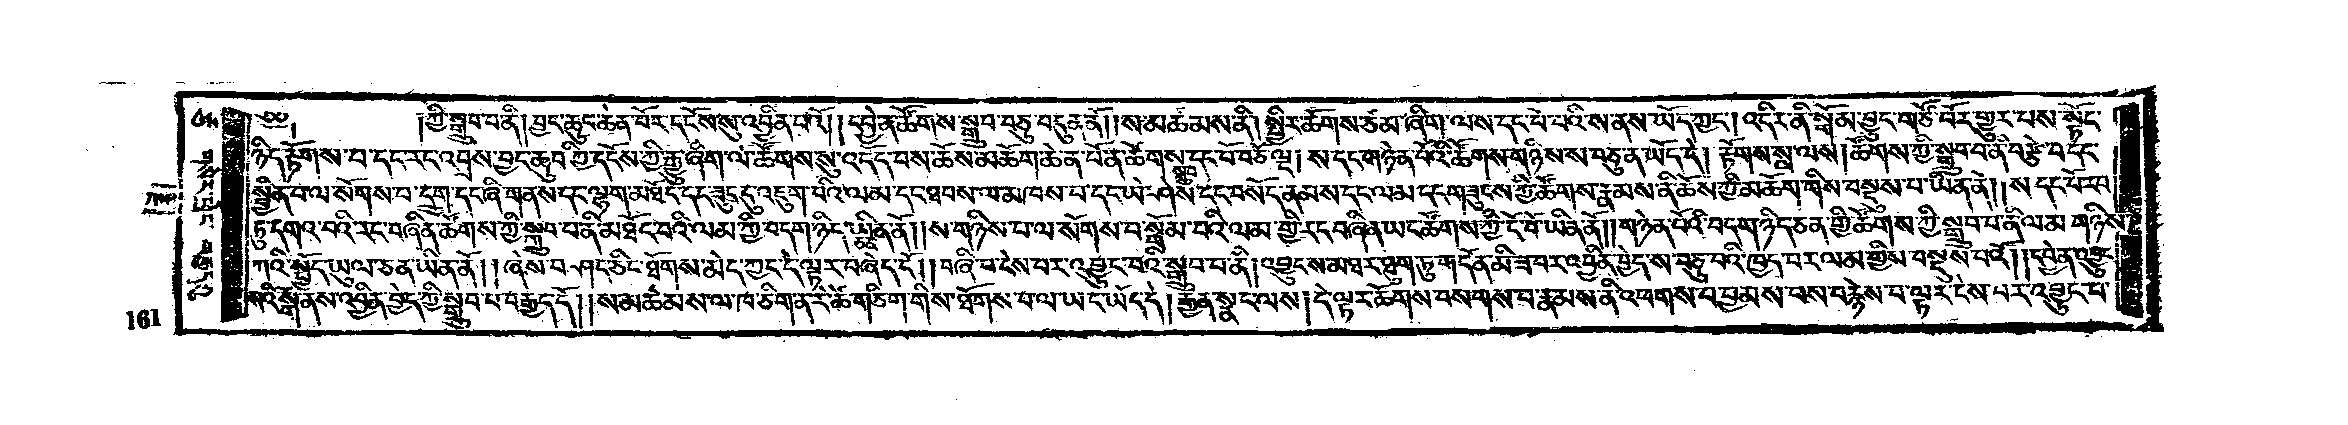༄༅། །ཀྱི་སྒྲུབ་པ་ནི། བྱང་ཆུབ་ཆེན་པོར་དངོས་སུ་འབྱིན་པའོ། །དབྱེ་ན་ཚོགས་སྒྲུབ་བཅུ་བདུན་ནོ། །ས་མཚམས་ནི། སྤྱིར་ཚོགས་ཙམ་ཞིག་ལས་དང་པོའི་ས་ནས་ཡོད་ཀྱང་། འདིར་ནི་སྒོམ་བྱུང་གཙོ་བོར་གྱུར་པས་སྟོང་
ཉིད་རྟོགས་པ་དང་རང་འབྲས་བྱང་ཆུབ་ཀྱི་དངོས་ཀྱི་རྒྱུ་ཞིག་ལ་ཚོགས་སུ་འདོད་པས་ཆོས་མཆོག་ཆེན་པོ་ན་ཚོགས་སྒྲུབ་དང་པོ་བཅོ་ལྔ། ས་དང་གཉེན་པོའི་ཚོགས་གཉིས་ས་བཅུ་ན་ཡོད་དེ། རྟོགས་སླ་ལས། ཚོགས་ཀྱི་སྒྲུབ་པ་ནི་བརྩེ་བ་དང་
སྦྱིན་པ་ལ་སོགས་པ་དྲུག་དང་ཞི་གནས་དང་ལྷག་མཐོང་དང་ཟུང་དུ་འཇུག་པའི་ལམ་དང་ཐབས་ལ་མཁས་པ་དང་ཡེ་ཤེས་དང་བསོད་ནམས་དང་ལམ་དང་གཟུངས་ཀྱི་ཚོགས་རྣམས་ནི་ཆོས་ཀྱི་མཆོག་གིས་བསྡུས་པ་ཡིན་ནོ། །ས་དང་པོ་རབ་
ཏུ་དགའ་བའི་རང་བཞིན་ཚོགས་ཀྱི་སྒྲུབ་པ་ནི་མཐོང་བའི་ལམ་གྱི་བདག་ཉིད་ཅན་ཡིན་ནོ། །ས་གཉིས་པ་ལ་སོགས་པ་སྒོམ་པའི་ལམ་གྱི་རང་བཞིན་ཡང་ཚོགས་ཀྱི་ངོ་བོ་ཡིན་ནོ། །གཉེན་པོའི་བདག་ཉིད་ཅན་གྱི་ཚོགས་ཀྱི་སྒྲུབ་པ་ནི་ལམ་གཉིས་
ཀའི་སྤྱོད་ཡུལ་ཅན་ཡིན་ནོ། །ཞེས་བཤད་ཅིང་ཐོགས་མེད་ཀྱང་དེ་ལྟར་བཞེད་དོ། །བཞི་པ་ངེས་པར་འབྱུང་བའི་སྒྲུབ་པ་ནི། འབྱུང་ས་མཐར་ཐུག་ཏུ་གདོན་མི་ཟ་བར་འབྱིན་བྱེད་ས་བཅུ་པའི་ཁྱད་པར་ལམ་གྱིས་བསྡུས་པའོ། །དབྱེ་ན་འབྱུང་
སའི་སྒོ་ནས་འབྱིན་བྱེད་ཀྱི་སྒྲུབ་པ་བརྒྱད་དོ། །ས་མཚམས་ལ་ཁ་ཅིག་ན་རེ་ཚེ་གཅིག་གིས་ཐེགས་པ་ལ་ཡང་ཡོད་དོ། རྒྱན་སྣང་ལས། དེ་ལྟར་ཚོགས་བསགས་པ་རྣམས་ནི་འཕགས་པ་བྱམས་པས་བརྙེས་པ་ལྟར་ངེས་པར་འབྱུང་པ་